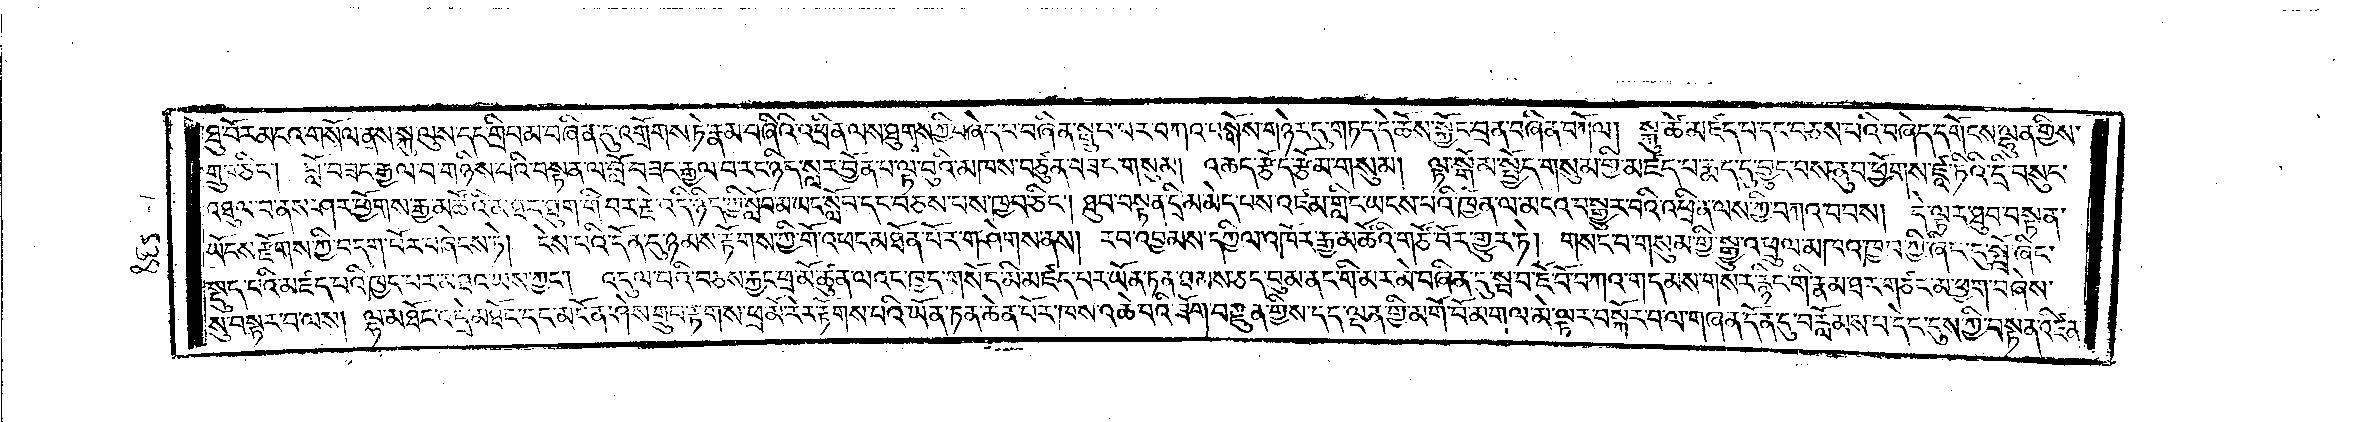ཐུ་བོར་མངའ་གསོལ་ནས་སྐུ་ལུས་དང་གྲིབ་མ་བཞིན་དུ་འགྲོགས་ཏེ་རྣམ་བཞིའི་འཕྲིན་ལས་ཐུགས་ཀྱི་བཞེད་པ་བཞིན་སྒྲུབ་པར་བཀའ་བསྒོས་གཉེར་དུ་གཏད་དེ་ཆོས་སྐྱོང་བྲན་བཞིན་བཀོལ། སྐུ་ཚེ་མཛད་པ་དང་བཅས་པའི་བཞེད་དགོངས་ལྷུན་གྱིས་
གྲུབ་ཅིང་། བློ་བཟང་རྒྱལ་པ་གཉིས་པའི་བསྟན་ལ་བློ་བཟང་རྒྱལ་བ་རང་ཉིད་སླར་བྱོན་པ་ལྟ་བུའི་མཁས་བཙུན་བཟང་གསུམ། འཆད་རྩོད་རྩོམ་གསུམ། ལྟ་སྒོམ་སྤྱོད་གསུམ་གྱི་མཛད་པ་རྨད་དུ་བྱུང་བས་ནུབ་ཕྱོགས་ཛཱ་ཏིའི་དྲི་བསུང་
འཐུལ་བ་ནས་ཤར་ཕྱོགས་རྒྱ་མཚོའི་མཐར་ཐུག་གི་བར་རྗེ་འདི་ཉིད་ཀྱི་སློབ་མ་ཡང་སློབ་དང་བཅས་པས་ཁྱབ་ཅིང་། ཐུབ་བསྟན་དྲི་མ་མེད་པས་འཛམ་གླིང་ཡངས་པའི་ཁྱོན་ལ་མངའ་བསྒྱུར་བའི་འཕྲིན་ལས་ཀྱི་བཀའ་བབས། དེ་ལྟར་ཐུབ་བསྟན་
ཡོངས་རྫོགས་ཀྱི་བདག་པོར་བཞེངས་ཏེ། ངེས་པའི་དོན་དུ་ཉམས་རྟོགས་ཀྱི་གོ་འཕང་མཐོན་པོར་གཤེགས་ནས། རབ་འབྱམས་དཀྱིལ་འཁོར་རྒྱ་མཚོའི་གཙོ་བོར་གྱུར་ཏེ། གསང་བ་གསུམ་གྱི་སྒྱུ་འཕྲུལ་མཁའ་ཁྱབ་ཀྱི་ཞིང་དུ་སྤྲོ་ཞིང་
སྡུད་པའི་མཛད་པའི་ཁྱད་པར་མཐའ་ཡས་ཀྱང་། འདུལ་བའི་བཅས་རྐྱང་ཕྲ་མོ་ཚུན་ལའང་ཁྱད་གསོད་མི་མཛད་པར་ཡོན་ཏན་ཐམས་ཅད་བུམ་ནང་གི་མར་མེ་བཞིན་དུ་སྦ་བ་ཇོ་བོ་བཀའ་གདམས་གསར་རྙིང་གི་རྣམ་ཐར་གཙང་མ་ཕྱག་བཞེས་
སུ་བསྟར་བ་ལས། ལྷ་མཐོང་འདྲེ་མཐོང་དང་མངོན་ཤེས་གྲུབ་རྟགས་ཕྲ་མ་རེར་རྟོགས་པའི་ཡོན་ཏན་ཆེན་པོར་ཁས་འཆེ་བའི་ཟོག་བརྫུན་གྱིས་དད་ལྡན་གྱི་མགོ་བོ་མགལ་མེ་ལྟར་བསྐོར་བ་ལ་གཞན་དོན་དུ་བརློམས་པ་དེང་དུས་ཀྱི་བསྟན་འཛིན་